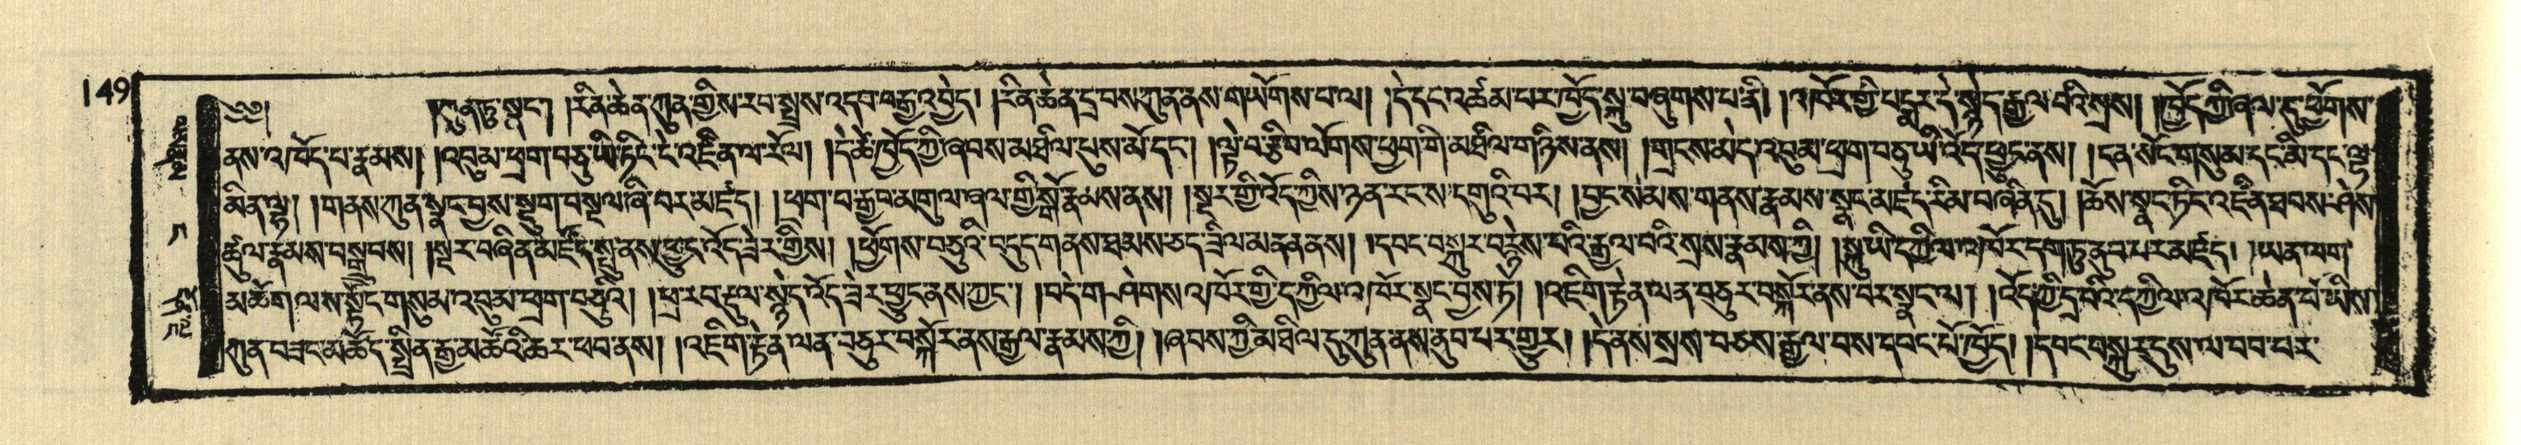༄༅། །ཀུན་ཏུ་སྣང་། །རིན་ཆེན་ཀུན་གྱིས་རབ་སྤྲས་འདབ་བརྒྱ་འབྱེད། །རིན་ཆེན་དྲ་བས་ཀུན་ནས་གཡོགས་པ་ལ། །དེ་དང་འཚམ་པར་ཁྱོད་སྐུ་བཞུགས་པ་ནི། །འཁོར་གྱི་པདམར་དེ་སྙེད་རྒྱལ་བའི་སྲས། །ཁྱོད་ཀྱི་ཞལ་དུ་ཕྱོགས་
ནས་འཁོད་པ་རྣམས། །འབུམ་ཕྲག་བཅུ་ཡི་ཏིང་ངེ་འཛིན་ལ་རོལ། །དེ་ཚེ་ཁྱོད་ཀྱི་ཞབས་མཐིལ་པུས་མོ་དང་། །ལྟེ་བ་རྩིབ་ལོགས་ཕྱག་གི་མཐིལ་གཉིས་ནས། །གྲངས་མེད་འབུམ་ཕྲག་བཅུ་ཡི་འོད་ཕྱུང་ནས། །ངན་སོང་གསུམ་དན་མི་དང་ལྷ་
མིན་ལྷ། །གནས་ཀུན་སྣང་བྱས་སྡུག་བསྔལ་ཞི་བར་མཛད། །ཕྲག་བ་རྒྱབ་མགུལ་ཞལ་གྱི་སྒོ་རྣམས་ནས། །སྔར་གྱི་འོད་ཀྱིས་ཉན་རང་ས་དགུའི་བར། །བྱང་སེམས་གནས་རྣམས་སྣང་མཛད་རིམ་བཞིན་དུ། །ཆོས་སྣང་ཏིང་འཛིན་ཐབས་ཤེས་
ཚུལ་རྣམས་བསྒྲུབས། །སྔར་བཞིན་མཛོད་སྤུ་ནས་ཕྱུང་འོད་ཟེར་གྱིས། །ཕྱོགས་བཅུའི་བདུད་གནས་ཐམས་ཅད་ཟིལ་མནན་ནས། །དབང་བསྐུར་བརྙེས་པའི་རྒྱལ་བའི་སྲས་རྣམས་ཀྱི། །སྐུ་ཡི་དཀྱིལ་འཁོར་དག་ཏུ་ནུབ་པར་མཛད། །ཡན་ལག་
མཆོག་ལས་སྟོང་གསུམ་འབུམ་ཕྲག་བཅུའི། །ཕྲ་རབ་རྡུལ་སྙེད་འོད་ཟེར་ཕྱུང་ནས་ཀྱང་། །བདེ་གཤེགས་འཁོར་གྱི་དཀྱིལ་འཁོར་སྣང་བྱས་ཏེ། །འཇིག་རྟེན་ལན་བཅུར་བསྐོར་ནས་བར་སྣང་ལ། །འོད་ཀྱི་དྲ་བའི་དཀྱིལ་འཁོར་ཆེན་པོ་ཡིས་
ཀུན་བཟང་མཆོད་སྤྲིན་རྒྱ་མཚོའི་ཆར་ཕབ་ནས། །འཇིག་རྟེན་ལན་བཅུར་བསྐོར་ནས་རྒྱལ་རྣམས་ཀྱི། །ཞབས་ཀྱི་མཐིལ་དུ་ཀུན་ནས་ནུབ་པར་གྱུར། །དེ་ནས་སྲས་བཅས་རྒྱལ་བས་དབང་པོ་ཁྱོད། །དབང་བསྐུར་དུས་ལ་བབ་པར་